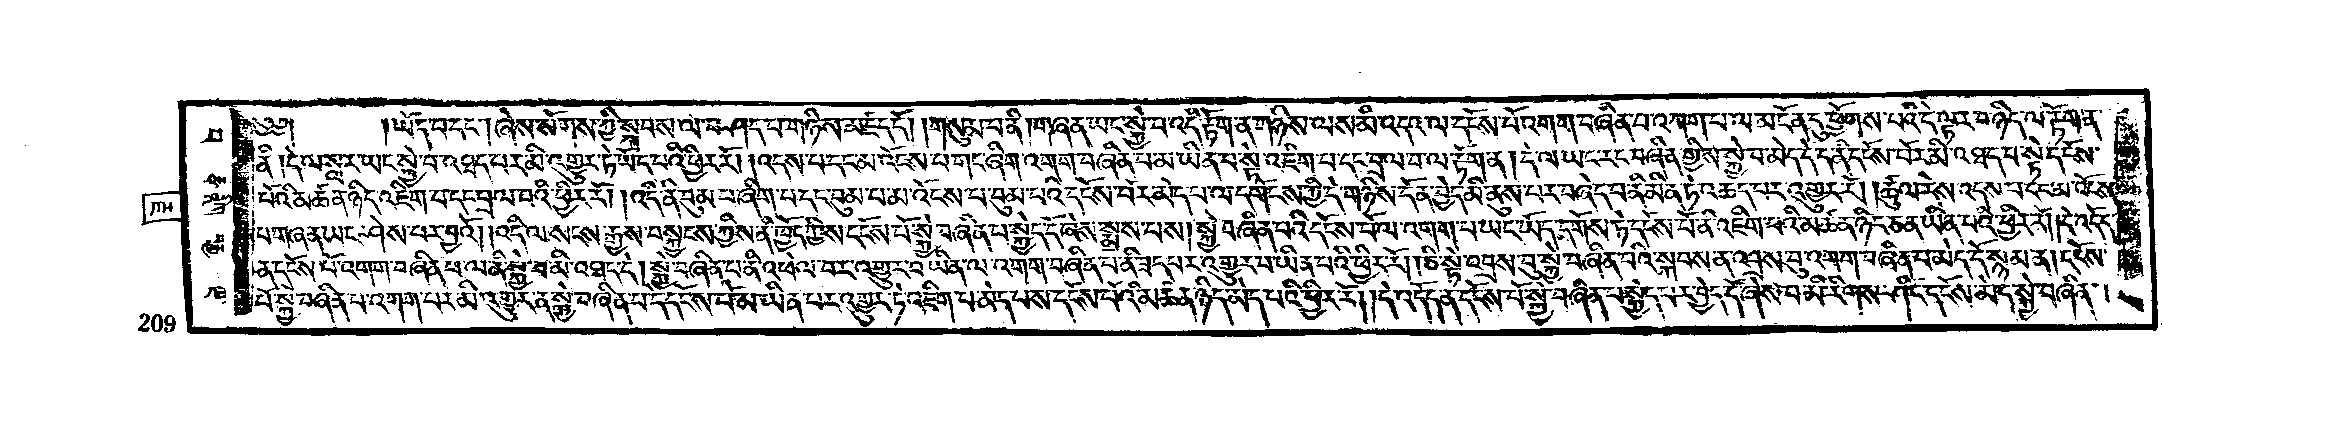༄༅། །ཡོད་པ་དང་། ཞེས་སོགས་ཀྱི་སྐབས་ལ་བཤད་པ་གཉིས་མཛད་དོ། །གསུམ་པ་ནི། གཞན་ཡང་སྐྱེ་བ་འདི་རྟོག་ན་གཉིས་ལས་མི་འདའ་ལ་དངོས་པོ་འགག་བཞིན་པ་འགག་པ་ལ་མངོན་དུ་ཕྱོགས་པའི་ད་ལྟར་བ་ཉིད་ལ་རྟོག་ན་
ནི། དེ་ལ་སླར་ཡང་སྐྱེ་བ་འཐད་པར་མི་འགྱུར་ཏེ་ཡོད་པའི་ཕྱིར་རོ། །འདས་པ་དང་མ་འོངས་པ་གང་ཞིག་འགག་བཞིན་པ་མ་ཡིན་པ་སྟེ་འཇིག་པ་དང་བྲལ་བ་ལ་རྟོག་ན། དེ་ལ་ཡང་རང་བཞིན་གྱིས་སྐྱེ་བ་མེད་དེ་ད་ནི་དངོས་པོར་མི་འཐད་པ་སྟེ་དངོས་
པོའི་མཚན་ཉིད་འཇིག་པ་དང་བྲལ་བའི་ཕྱིར་རོ། །འདི་ནི་བུམ་པ་ཞིག་པ་དང་བུམ་པ་མ་འོངས་པ་བུམ་པའི་དངོས་པོར་མེད་པ་ལ་དགོངས་ཀྱི་དེ་གཉིས་དོན་བྱེད་མི་ནུས་པར་བཞེད་པ་ནི་མིན་ཏེ་འཆད་པར་འགྱུར་རོ། །ཚུལ་དེས་འདས་པ་དང་མ་འོངས་
པ་གཞན་ཡང་ཤེས་པར་བྱའོ། །འདི་ལ་སངས་རྒྱས་བསྐྱངས་ཀྱིས་ནི་ཁྱེད་ཀྱིས་དངོས་པོ་སྐྱེ་བཞིན་པ་སྐྱེད་དོ་ཞེས་སྨྲས་པས། སྐྱེ་བཞིན་པའི་དངོས་པོ་ལ་འགག་པ་ཡང་ཡོད་དགོས་ཏེ་དངོས་པོ་ནི་འཇིག་པའི་མཚན་ཉིད་ཅན་ཡིན་པའི་ཕྱིར་རོ། །དེ་འདོད་
ན་དངོས་པོ་འགག་བཞིན་པ་ལ་ནི་སྐྱེ་བ་མི་འཐད་དེ། སྐྱེ་བཞིན་པ་ནི་འཕེལ་བར་འགྱུར་བ་ཡིན་ལ་འགག་བཞིན་པ་ནི་ཟད་པར་འགྱུར་བ་ཡིན་པའི་ཕྱིར་རོ། །ཅི་སྟེ་འབྲས་བུ་སྐྱེ་བཞིན་པའི་སྐབས་ན་འབྲས་བུ་འགག་བཞིན་པ་མེད་དེ་སྙམ་ན། དངོས་
པོ་སྐྱེ་བཞིན་པ་འགག་པར་མི་འགྱུར་ན་སྐྱེ་བཞིན་པ་དེ་དངོས་པོ་མ་ཡིན་པར་འགྱུར་ཏེ་འཇིག་པ་མེད་པས་དངོས་པོའི་མཚན་ཉིད་མེད་པའི་ཕྱིར་རོ། །དེ་འདོད་ན་དངོས་པོ་སྐྱེ་བཞིན་བསྐྱེད་པར་བྱེད་དོ་ཞེས་པ་མི་རིགས་ཤིང་དངོས་མེད་སྐྱེ་བཞིན་པ་